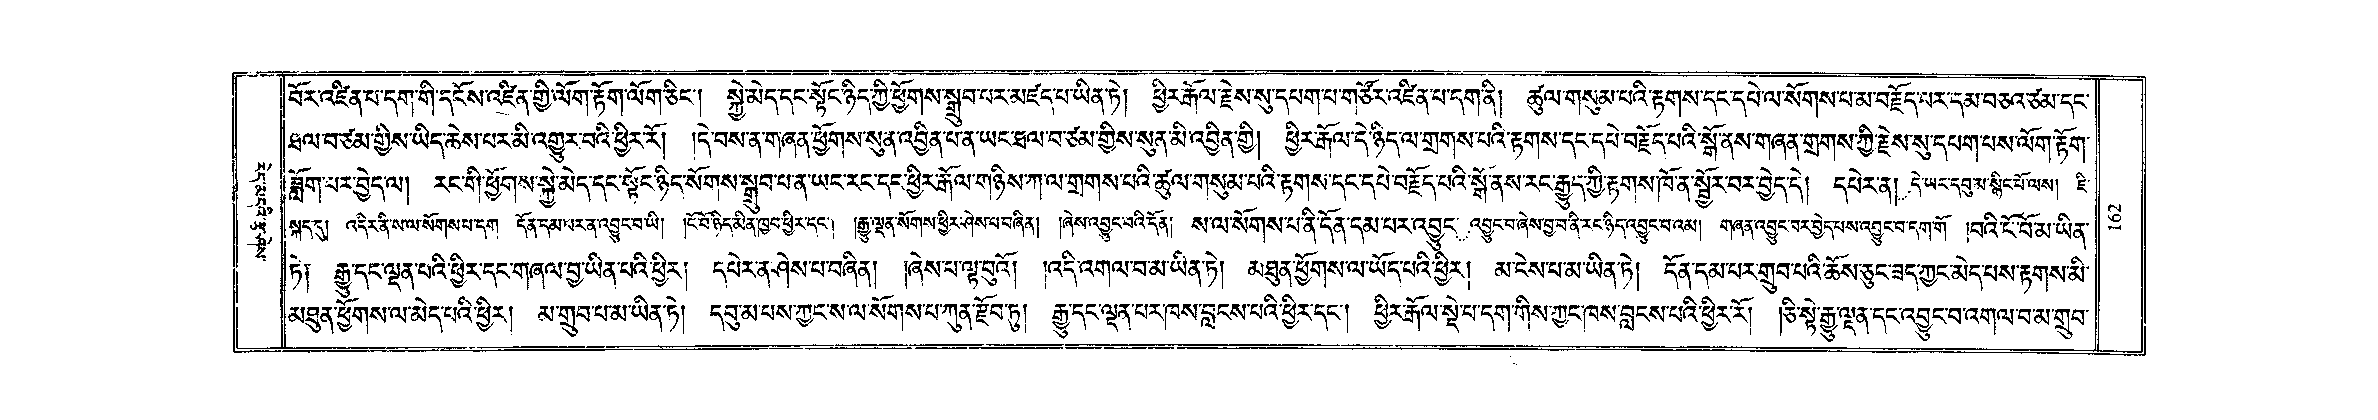བོར་འཛིན་པ་དག་གི་དངོས་འཛིན་གྱི་ལོག་རྟོག་ལོག་ཅིང་། སྐྱེ་མེད་དང་སྟོང་ཉིད་ཀྱི་ཕྱོགས་སྒྲུབ་པར་མཛད་པ་ཡིན་ཏེ། ཕྱིར་རྒོལ་རྗེས་སུ་དཔག་པ་གཙོར་འཛིན་པ་དག་ནི། ཚུལ་གསུམ་པའི་རྟགས་དང་དཔེ་ལ་སོགས་པ་མ་བརྗོད་པར་དམ་བཅའ་ཙམ་དང་
ཐལ་བ་ཙམ་གྱིས་ཡིད་ཆེས་པར་མི་འགྱུར་བའི་ཕྱིར་རོ། །དེ་བས་ན་གཞན་ཕྱོགས་སུན་འབྱིན་པ་ན་ཡང་ཐལ་བ་ཙམ་གྱིས་སུན་མི་འབྱིན་གྱི། ཕྱིར་རྒོལ་དེ་ཉིད་ལ་གྲགས་པའི་རྟགས་དང་དཔེ་བརྗོད་པའི་སྒོ་ནས་གཞན་གྲགས་ཀྱི་རྗེས་སུ་དཔག་པས་ལོག་རྟོག་
ཟློག་པར་བྱེད་ལ། རང་གི་ཕྱོགས་སྐྱེ་མེད་དང་སྟོང་ཉིད་སོགས་སྒྲུབ་པ་ན་ཡང་རང་དང་ཕྱིར་རྒོལ་གཉིས་ཀ་ལ་གྲགས་པའི་ཚུལ་གསུམ་པའི་རྟགས་དང་དཔེ་བརྗོད་པའི་སྒོ་ནས་རང་རྒྱུད་ཀྱི་རྟགས་ཁོ་ན་སྦྱོར་བར་བྱེད་དེ། དཔེར་ན། དེ་ཡང་དབུ་མ་སྙིང་པོ་ལས། ཇི་
སྐད་དུ། འདིར་ནི་ས་ལ་སོགས་པ་དག་དོན་དམ་པར་ན་འབྱུང་བ་ཡི། །ངོ་བོ་ཉིད་མིན་ཁྱབ་ཕྱིར་དང་། །རྒྱུ་ལྡན་སོགས་ཕྱིར་ཤེས་པ་བཞིན། །ཞེས་འབྱུང་བའི་དོན། ས་ལ་སོགས་པ་ནི་དོན་དམ་པར་འབྱུང་འབྱུང་བ་ཞེས་བྱ་བ་ནི་རང་ཉིད་འབྱུང་བའམ། གཞན་འབྱུང་བར་བྱེད་པས་འབྱུང་བ་དག་གོ་།བའི་ངོ་བོ་མ་ཡིན་
ཏེ༑ རྒྱུ་དང་ལྡན་པའི་ཕྱིར་དང་གཞལ་བྱ་ཡིན་པའི་ཕྱིར། དཔེར་ན་ཤེས་པ་བཞིན། །ཞེས་པ་ལྟ་བུའོ། །འདི་འགལ་བ་མ་ཡིན་ཏེ། མཐུན་ཕྱོགས་ལ་ཡོད་པའི་ཕྱིར། མ་ངེས་པ་མ་ཡིན་ཏེ། དོན་དམ་པར་གྲུབ་པའི་ཆོས་ཅུང་ཟད་ཀྱང་མེད་པས་རྟགས་མི་
མཐུན་ཕྱོགས་ལ་མེད་པའི་ཕྱིར། མ་གྲུབ་པ་མ་ཡིན་ཏེ། དབུ་མ་པས་ཀྱང་ས་ལ་སོགས་པ་ཀུན་རྫོབ་ཏུ། རྒྱུ་དང་ལྡན་པར་ཁས་བླངས་པའི་ཕྱིར་དང་། ཕྱིར་རྒོལ་སྡེ་པ་དག་གིས་ཀྱང་ཁས་བླངས་པའི་ཕྱིར་རོ། །ཅི་སྟེ་རྒྱུ་ལྡན་དང་འབྱུང་བ་འགལ་བ་མ་གྲུབ་